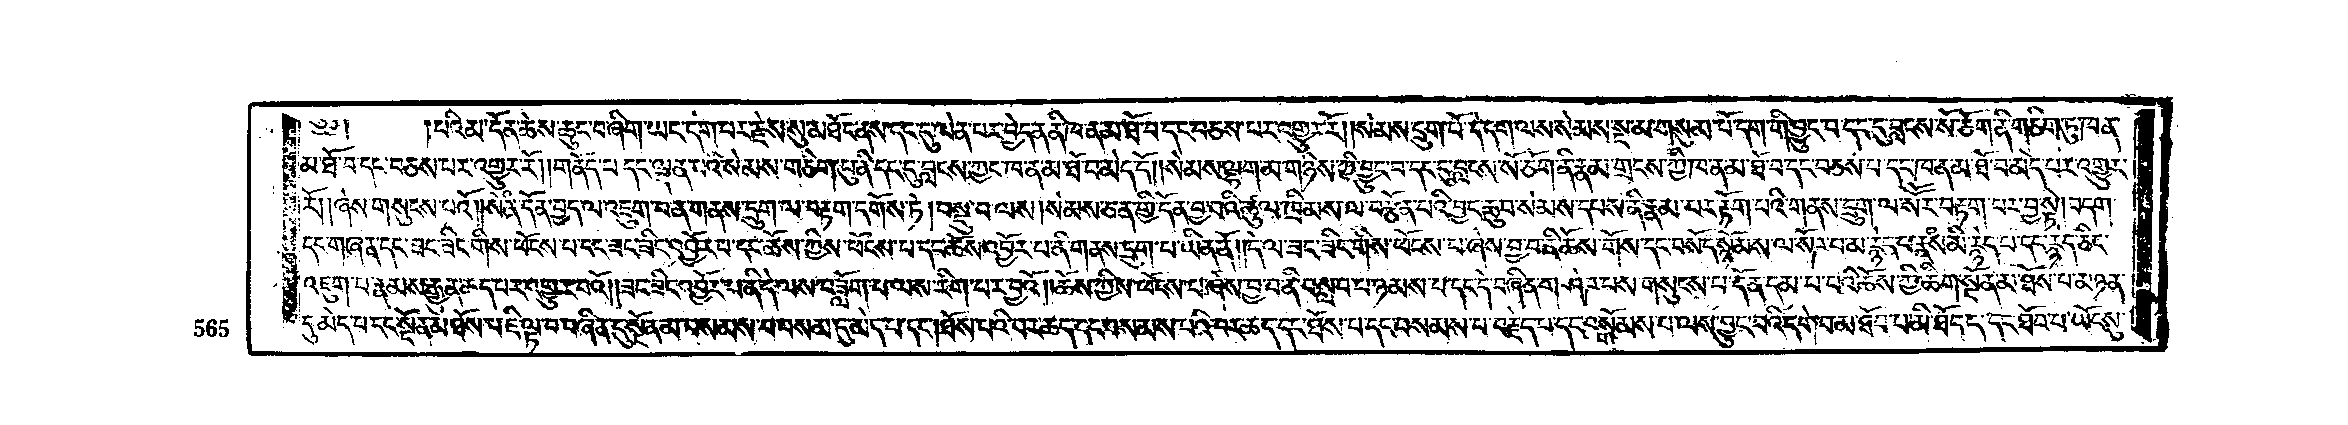༄༅། །པའི་མ་དོན་ཆེས་ཆུང་བ་ཞིག་ཡང་དག་པར་རྗེས་སུ་མཐོང་ནས་དང་དུ་ལེན་པར་བྱེད་ན་ནི་ཁ་ན་མ་ཐོ་བ་དང་བཅས་པར་འགྱུར་རོ། །སེམས་དྲུག་པོ་དེ་དག་ལས་སེམས་སྔ་མ་གསུམ་པོ་དག་གི་བྱུང་བ་དང་དུ་བླངས་སོ་ཅོག་ནི་གཅིག་ཏུ་ཁ་ན་
མ་ཐོ་བ་དང་བཅས་པར་འགྱུར་རོ། །གནོད་པ་དང་ལྡན་པའི་སེམས་གཅིག་པུ་ནི་དང་དུ་བླངས་ཀྱང་ཁ་ན་མ་ཐོ་བ་མེད་དོ། །སེམས་ལྷག་མ་གཉིས་ཀྱི་བྱུང་བ་དང་དུ་བླངས་སོ་ཅོག་ནི་རྣམ་གྲངས་ཀྱི་ཁ་ན་མ་ཐོ་བ་དང་བཅས་པ་དང་ཁ་ན་མ་ཐོ་བ་མེད་པར་འགྱུར་
རོ། །ཞེས་གསུངས་པའོ། །སེམས་ཅན་དོན་བྱད་ལ་འཇུག་པ་ན་གནས་དྲུག་ལ་བརྟག་དགོས་ཏེ། བསྡུ་བ་ལས། སེམས་ཅན་གྱི་དོན་བྱ་བའི་ཚུལ་ཁྲིམས་ལ་བརྩོན་པའི་བྱང་ཆུབ་སེམས་དཔས་ནི་རྣམ་པར་རྟོག་པའི་གནས་དྲུག་ལ་སོ་སོར་བརྟག་པར་བྱ་སྟེ། བདག་
དང་གཞན་དང་ཟང་ཟིང་གིས་ཕོངས་པ་དང་ཟང་ཟིང་འབྱོར་པ་དང་ཆོས་ཀྱིས་ཕོངས་པ་དང་ཆོས་འབྱོར་པ་ནི་གནས་དྲུག་པ་ཡིན་ནོ། །དེ་ལ་ཟང་ཟིང་གིས་ཕོངས་པ་ཞེས་བྱ་བ་ནི་ཆོས་གོས་དང་བསོད་སྙོམས་ལ་སོགས་པ་མ་རྙེད་པ་རྣམས་མི་རྙེད་པ་དང་རྙེད་ཅིང་
འཇུག་པ་རྣམས་རྒྱུན་ཆད་པར་འགྱུར་བའོ། །ཟང་ཟིང་འབྱོར་པ་ནི་དེ་ལས་བཟློག་པ་ལས་རིག་པར་བྱའོ། །ཆོས་ཀྱིས་ཕོངས་པ་ཞེས་བྱ་བ་ནི་བསླབ་པ་ཉམས་པ་དང་དེ་བཞིན་གཤེགས་པས་གསུངས་པ་དོན་དམ་པ་པའི་ཆོས་ཀྱི་ཚིག་སྔོན་མ་ཐོས་པ་མཉན་
དུ་མེད་པ་དང་སྔོན་མ་ཐོས་པ་ཇི་ལྟ་བ་བཞིན་དུ་སྔོན་མ་བསམས་པ་བསམ་དུ་མེད་པ་དང་། ཐོས་པའི་བར་ཆད་དང་བསམས་པའི་བར་ཆད་དང་ཐོས་པ་དང་བསམས་པ་བརྗེད་པ་དང་བསྒོམས་པ་ལས་བྱུང་བའི་དགེ་བ་མ་ཐོབ་པ་མི་ཐོབ་པ་དང་ཐོབ་པ་ཡོངས་སུ་